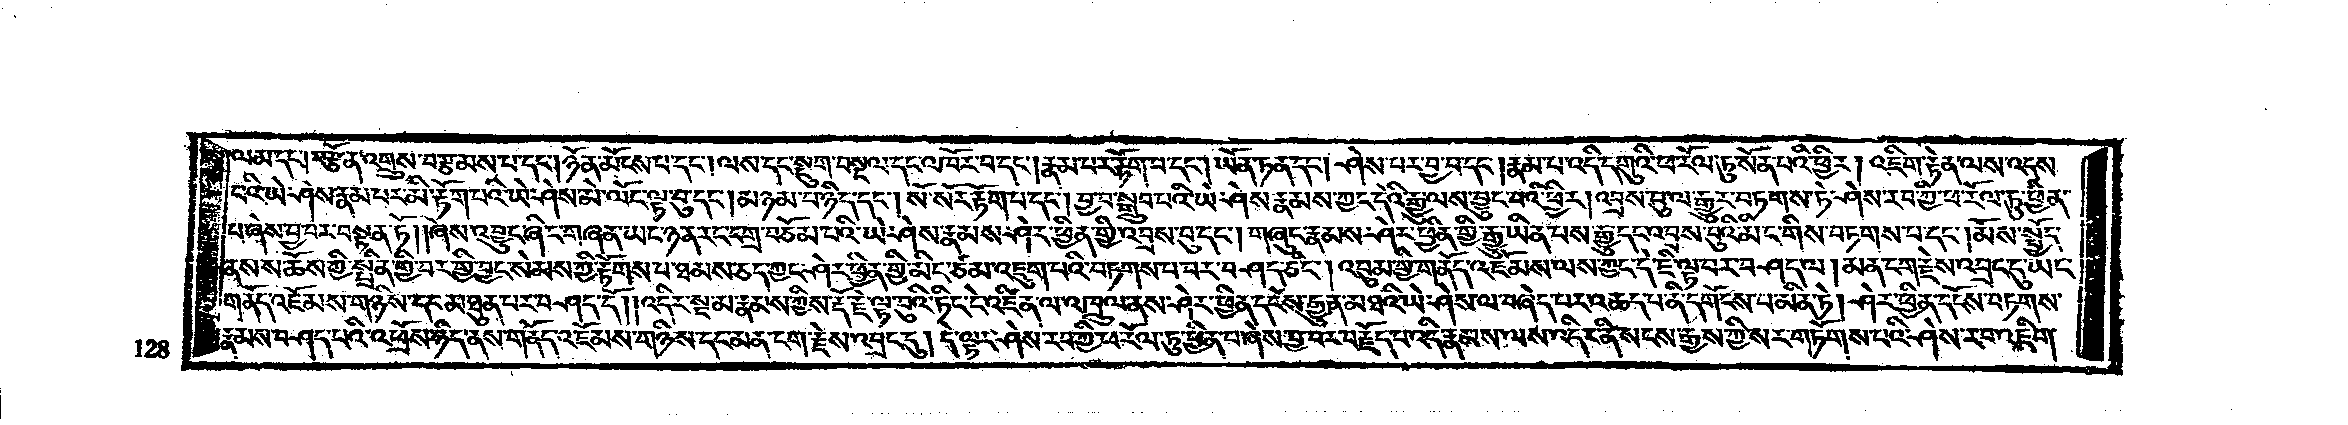ལམ་དང་། བརྩོན་འགྲུས་བརྩམས་པ་དང་། ཉོན་མོངས་པ་དང་། ལས་དང་སྡུག་བསྔལ་དང་འཁོར་བ་དང་། རྣམ་པར་རྟོག་པ་དང་། ཡོན་ཏན་དང་། ཤེས་པར་བྱ་བ་དང་། རྣམ་པ་འདི་དགུའི་ཕ་རོལ་ཏུ་སོན་པའི་ཕྱིར། འཇིག་རྟེན་ལས་འདས་
པའི་ཡེ་ཤེས་རྣམ་པར་མི་རྟོག་པའི་ཡེ་ཤེས་མེ་ལོང་ལྟ་བུ་དང་། མཉམ་པ་ཉིད་དང་། སོ་སོར་རྟོག་པ་དང་། བྱ་བ་སྒྲུབ་པའི་ཡེ་ཤེས་རྣམས་ཀྱང་དེའི་རྒྱུ་ལས་བྱུང་བའི་ཕྱིར། འབྲས་བུ་ལ་རྒྱུར་བཏགས་ཏེ་ཤེས་རབ་ཀྱི་ཕ་རོལ་ཏུ་ཕྱིན་
པ་ཞེས་བྱ་བར་བསྟན་ཏོ། །ཞེས་འབྱུང་ཞིང་གཞན་ཡང་ཉན་རང་དགྲ་བཅོམ་པའི་ཡེ་ཤེས་རྣམས་ཤེར་ཕྱིན་གྱི་འབྲས་བུ་དང་། གཞུང་རྣམས་ཤེར་ཕྱིན་གྱི་རྒྱུ་ཡིན་པས་རྒྱུ་དང་འབྲས་བུའི་མིང་གིས་བཏགས་པ་དང་། མོས་སྤྱོད་
ནས་ས་ཆོས་ཀྱི་སྤྲིན་གྱི་བར་གྱི་བྱང་སེམས་ཀྱི་རྟོགས་པ་ཐམས་ཅད་ཀྱང་ཤེར་ཕྱིན་གྱི་མིང་ཙམ་འཇུག་པའི་བཏགས་པ་བར་བཤད་ཅིང་། འབུམ་གྱི་གནོད་འཇོམས་ལས་ཀྱང་དེ་ཇི་ལྟ་བར་བཤད་ལ། མན་ངག་རྗེས་འབྲང་དུ་ཡང་
གནོད་འཇོམས་གཉིས་དང་མཐུན་པར་བཤད་དོ། །འདིར་སྔ་མ་རྣམས་ཀྱིས་རྡོ་རྗེ་ལྟ་བུའི་ཏིང་ངེ་འཛིན་ལ་འཁྲུལ་ནས་ཤེར་ཕྱིན་དངོས་རྒྱུན་མཐའི་ཡེ་ཤེས་ལ་བཞེད་པར་འཆད་པ་ནི་དགོངས་པ་མིན་ཏེ། ཤེར་ཕྱིན་དངོས་བཏགས་
རྣམས་བཤད་པའི་འཕྲོས་ཉིད་ནས་གནོད་འཇོམས་གཉིས་དང་མན་ངག་རྗེས་འབྲང་དུ། དེ་ལྟར་ཤེས་རབ་ཀྱི་ཕ་རོལ་ཏུ་ཕྱིན་པ་ཞེས་བྱ་བར་བརྗོད་པ་འདི་རྣམས་ལས་འདིར་ནི་སངས་རྒྱས་ཀྱི་སར་གཏོགས་པའི་ཤེས་རབ་འཇིག་